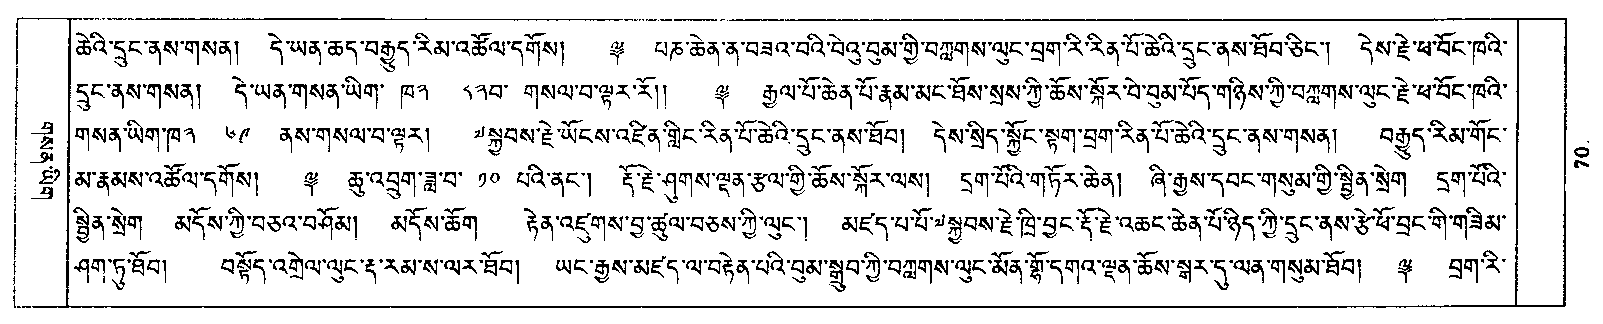ཆེའི་དྲུང་ནས་གསན། དེ་ཡན་ཆད་བརྒྱུད་རིམ་འཚོལ་དགོས། ༈ པཎ་ཆེན་ན་བཟའ་བའི་བེའུ་བུམ་གྱི་བཀླགས་ལུང་བྲག་རི་རིན་པོ་ཆེའི་དྲུང་ནས་ཐོབ་ཅིང་། དེས་རྗེ་ཕ་བོང་ཁའི་
དྲུང་ནས་གསན། དེ་ཡན་གསན་ཡིག་ཁ ༢ ༨༢་བ་གསལ་བ་ལྟར་རོ།། ༈ རྒྱལ་པོ་ཆེན་པོ་རྣམ་མང་ཐོས་སྲས་ཀྱི་ཆོས་སྐོར་བེ་བུམ་པོད་གཉིས་ཀྱི་བཀླགས་ལུང་རྗེ་ཕ་བོང་ཁའི་
གསན་ཡིག་ཁ ༢ ༦༩་ནས་གསལ་བ་ལྟར། ༧་སྐྱབས་རྗེ་ཡོངས་འཛིན་གླིང་རིན་པོ་ཆེའི་དྲུང་ནས་ཐོབ། དེས་སྲིད་སྐྱོང་སྟག་བྲག་རིན་པོ་ཆེའི་དྲུང་ནས་གསན། བརྒྱུད་རིམ་གོང་
མ་རྣམས་འཚོལ་དགོས། ༈ ཆུ་འབྲུག་ཟླ་བ ༡༠་པའི་ནང་། རྡོ་རྗེ་ཤུགས་ལྡན་རྩལ་གྱི་ཆོས་སྐོར་ལས། དྲག་པོའི་གཏོར་ཆེན། ཞི་རྒྱས་དབང་གསུམ་གྱི་སྦྱིན་སྲེག་དྲག་པོའི་
སྦྱིན་སྲེག་མདོས་ཀྱི་བཅའ་བཤོམ། མདོས་ཆོག་རྟེན་འཛུགས་བྱ་ཚུལ་བཅས་ཀྱི་ལུང་། མཛད་པ་པོ་༧་སྐྱབས་རྗེ་ཁྲི་བྱང་རྡོ་རྗེ་འཆང་ཆེན་པོ་ཉིད་ཀྱི་དྲུང་ནས་རྩེ་ཕོ་བྲང་གི་གཟིམ་
ཤག་ཏུ་ཐོབ། བསྟོད་འགྲེལ་ལུང་རྡ་རམ་ས་ལར་ཐོབ། ཡང་རྒྱས་མཛད་ལ་བརྟེན་པའི་བུམ་སྒྲུབ་ཀྱི་བཀླགས་ལུང་མོན་གྷོ་དགའ་ལྡན་ཆོས་སྒར་དུ་ལན་གསུམ་ཐོབ། ༈ བྲག་རི་